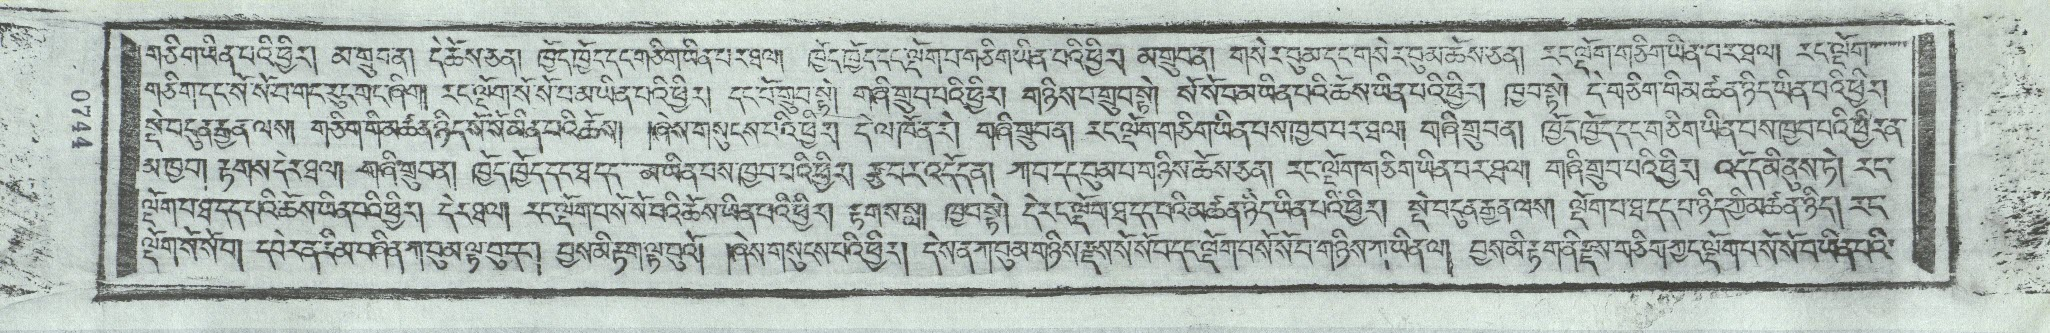གཅིག་ཡིན་པའི་ཕྱིར། མ་གྲུབ་ན། དེ་ཆོས་ཅན། ཁྱོད་ཁྱོད་དང་གཅིག་ཡིན་པར་ཐལ། ཁྱོད་ཁྱོད་དང་ལྡོག་པ་གཅིག་ཡིན་པའི་ཕྱིར། མ་གྲུབ་ན། གསེར་བུམ་དང་གསེར་བུམ་ཆོས་ཅན། རང་ལྡོག་གཅིག་ཡིན་པར་ཐལ། རང་ལྡོག་
གཅིག་དང་སོ་སོ་བ་གང་རུང་གང་ཞིག། རང་ལྡོག་སོ་སོ་བ་མ་ཡིན་པའི་ཕྱིར། དང་པོ་གྲུབ་སྟེ། གཞི་གྲུབ་པའི་ཕྱིར། གཉིས་པ་གྲུབ་སྟེ། སོ་སོ་བ་མ་ཡིན་པའི་ཆོས་ཡིན་པའི་ཕྱིར། ཁྱབ་སྟེ། དེ་གཅིག་གི་མཚན་ཉིད་ཡིན་པའི་ཕྱིར།
སྡེ་བདུན་རྒྱན་ལས། གཅིག་གི་མཚན་ཉིད་སོ་སོ་མིན་པའི་ཆོས། །ཞེས་གསུངས་པའི་ཕྱིར། དེ་ལ་ཁོ་ན་རེ། གཞི་གྲུབ་ན། རང་ལྡོག་གཅིག་ཡིན་པས་ཁྱབ་པར་ཐལ། གཞི་གྲུབ་ན། ཁྱོད་ཁྱོད་དང་གཅིག་ཡིན་པས་ཁྱབ་པའི་ཕྱིར་ན་
མ་ཁྱབ། རྟགས་དེར་ཐལ། གཞི་གྲུབ་ན། ཁྱོད་ཁྱོད་དང་ཐ་དད་མ་ཡིན་པས་ཁྱབ་པའི་ཕྱིར། རྩ་བར་འདོད་ན། ཀ་བ་དང་བུམ་པ་གཉིས་ཆོས་ཅན། རང་ལྡོག་གཅིག་ཡིན་པར་ཐལ། གཞི་གྲུབ་པའི་ཕྱིར། འདོད་མི་ནུས་ཏེ། རང་
ལྡོག་པ་ཐ་དད་པའི་ཆོས་ཡིན་པའི་ཕྱིར། དེར་ཐལ། རང་ལྡོག་པ་སོ་སོ་བའི་ཆོས་ཡིན་པའི་ཕྱིར། རྟགས་སླ། ཁྱབ་སྟེ། དེ་རང་ལྡོག་ཐ་དད་པའི་མཚན་ཉིད་ཡིན་པའི་ཕྱིར། སྡེ་བདུན་རྒྱན་ལས། ལྡོག་པ་ཐ་དད་པ་ཉིད་ཀྱི་མཚན་ཉིད། རང་
ལྡོག་སོ་སོ་བ། དཔེར་ན་རིམ་བཞིན་ཀ་བུམ་ལྟ་བུ་དང་། བྱས་མི་རྟག་ལྟ་བུའོ། །ཞེས་གསུངས་པའི་ཕྱིར། དེས་ན་ཀ་བུམ་གཉིས་རྫས་སོ་སོ་བ་དང་ལྡོག་བ་སོ་སོ་བ་གཉིས་ཀ་ཡིན་ལ། བྱས་མི་རྟག་ནི་རྫས་གཅིག་ཀྱང་ལྡོག་པ་སོ་སོ་བ་ཡིན་པའི་